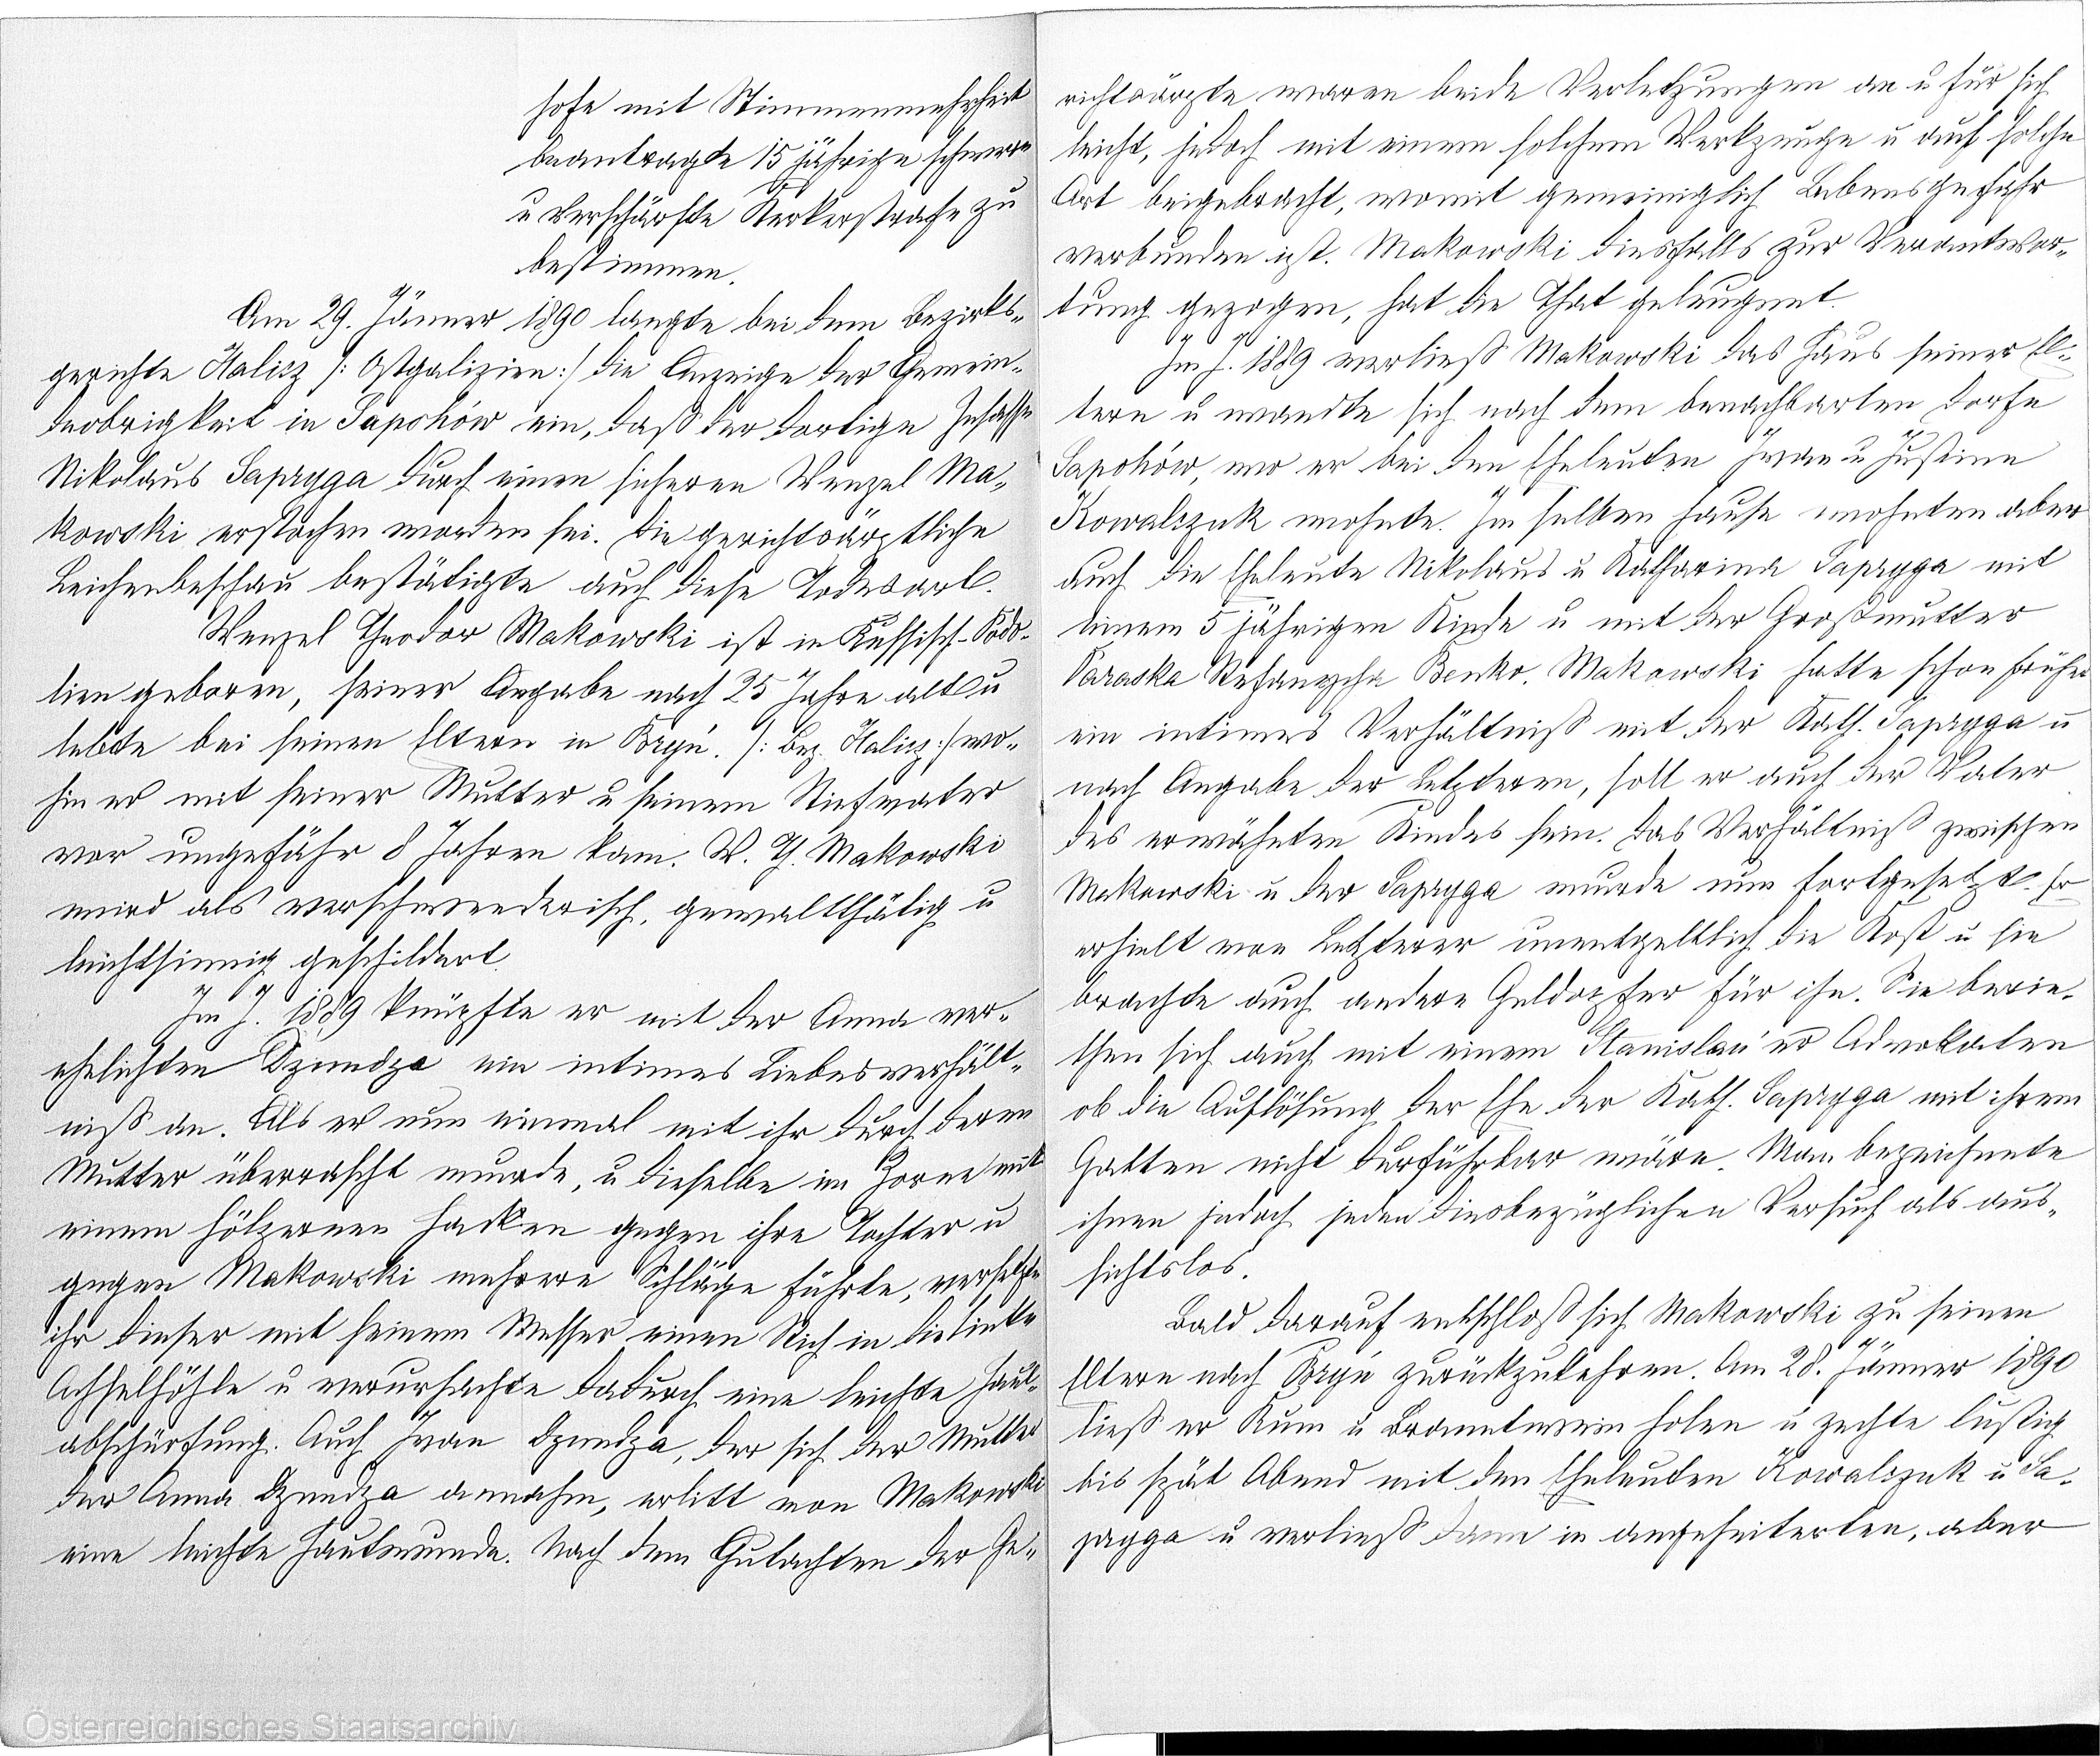hofe mit Stimmenmehrheit
beantragte 15jährige schwerer
und verschärfte Kerkerstrafe zu
bestimmen.
Am 29 Jänner 1890 langte bei dem Bezirks¬
gerichte Halicz (Ostgalizien) die Anzeige der Gemein¬
deobrigkeit in Sapohów ein, daß der darlige Insasse
Nikolaus Sapryga durch einen sicheren Wenzel Ma¬
kowski erstochen worden sei. Die gerichtärztliche
Leichenbeschau bestätigte auch diese Todesart.
Wenzel Theodor Makowski ist in Russisch-Podo¬
lien geboren, seiner Angabe nach 35 Jahre alt u
lebte bei seinen Eltern in Bryń (Bez. Halicz) wo¬
hin er mit seiner Mutter u seinem Stiefvater
vor ungefähr 8 Jahren kam. W. Th. Makowski
wird als verschwenderisch gewaltthätig u
leichtsinnig geschildert.
Im J. 1889 knüpfte er mit der Anna ver¬
ehelichten Dzendza ein intimes Liebesverhält¬
niß an. Als er nun einmal mit ihr durch deren
Mutter überrascht wurde, u. dieselbe im Zorn emit
einem hölzernen Haken gegen ihre Tochter u.
gegen Makowski mehrere Schläge führte, versetzte
ihr dieser imt seinem Messer einen Stich in die linke
Achselhöhle u verursachte dadurch eine leichte Haut¬
abschürfung. Auch Iwan Dzendza, der sich der Mutter
der Anna Dzendza annahm, erlitt von Makowski
eine leichte Hautwunde. Nach de Gutachten der Ge¬
richtenärzte waren beide Verletzungen an u. für sich
leicht, jedoch it einem solchen Werkzeuge u auch solche
Art beigebracht, womit gemeiniglich Lebensgefahr
verbunden ist. Makowski diesfalls zur Verantwor¬
tung gezogen, hat die That geleugnet.
Im J. 1889 verließ Makowski das Haus seiner El¬
tern u. wandte sich nach dem benachbarten Hause
Sapohów, wo er bei den Eheleuten Iwan u. Justine
Kowalczuk wohnte. Im selben Hause wohnten aber
auch die Eheleute Nikolaus u. Katharina Sapryga mit
einem 5jährigen Kinde u mit der Großmutter
Paraska Stefanycha Benko. Makowski hatte schon früher
ein intimes Verhältniß mit der Kath. Sapryga u
nach Angabe der letzteren, soll er auch der Vater
des erwähnten Kindes sein. Das Verhältniß zwischen
Makowski u der Sapryga wurde nun fortgesetzt. Er
erheilt von letzterer unentgeltlich die Kost u sie
brachte auch andrer Geldopfer für ihn. Sie berie¬
then sich auch mit einem Stanislau’er Adwokaten
ob die Auflösung der Ehe der Kath. Sapryga mit ihrem
Gatten nicht durführbar wäre. Man bezeichnete
ihren jedoch jeden diesbezüglichen Versuch als aus¬
sichtslos.
Bald darauf erschloß sich Makowski zu seinen
Eltern nach Bryń zurückzukehren. Am 28. Jänner 1890
ließ er Rum u Branntwein holen u zechte lustig
bis spät Abend mit den Eheleute Kowalczuk u Sa¬
pryga u verließ dann in angeheiterten, aber